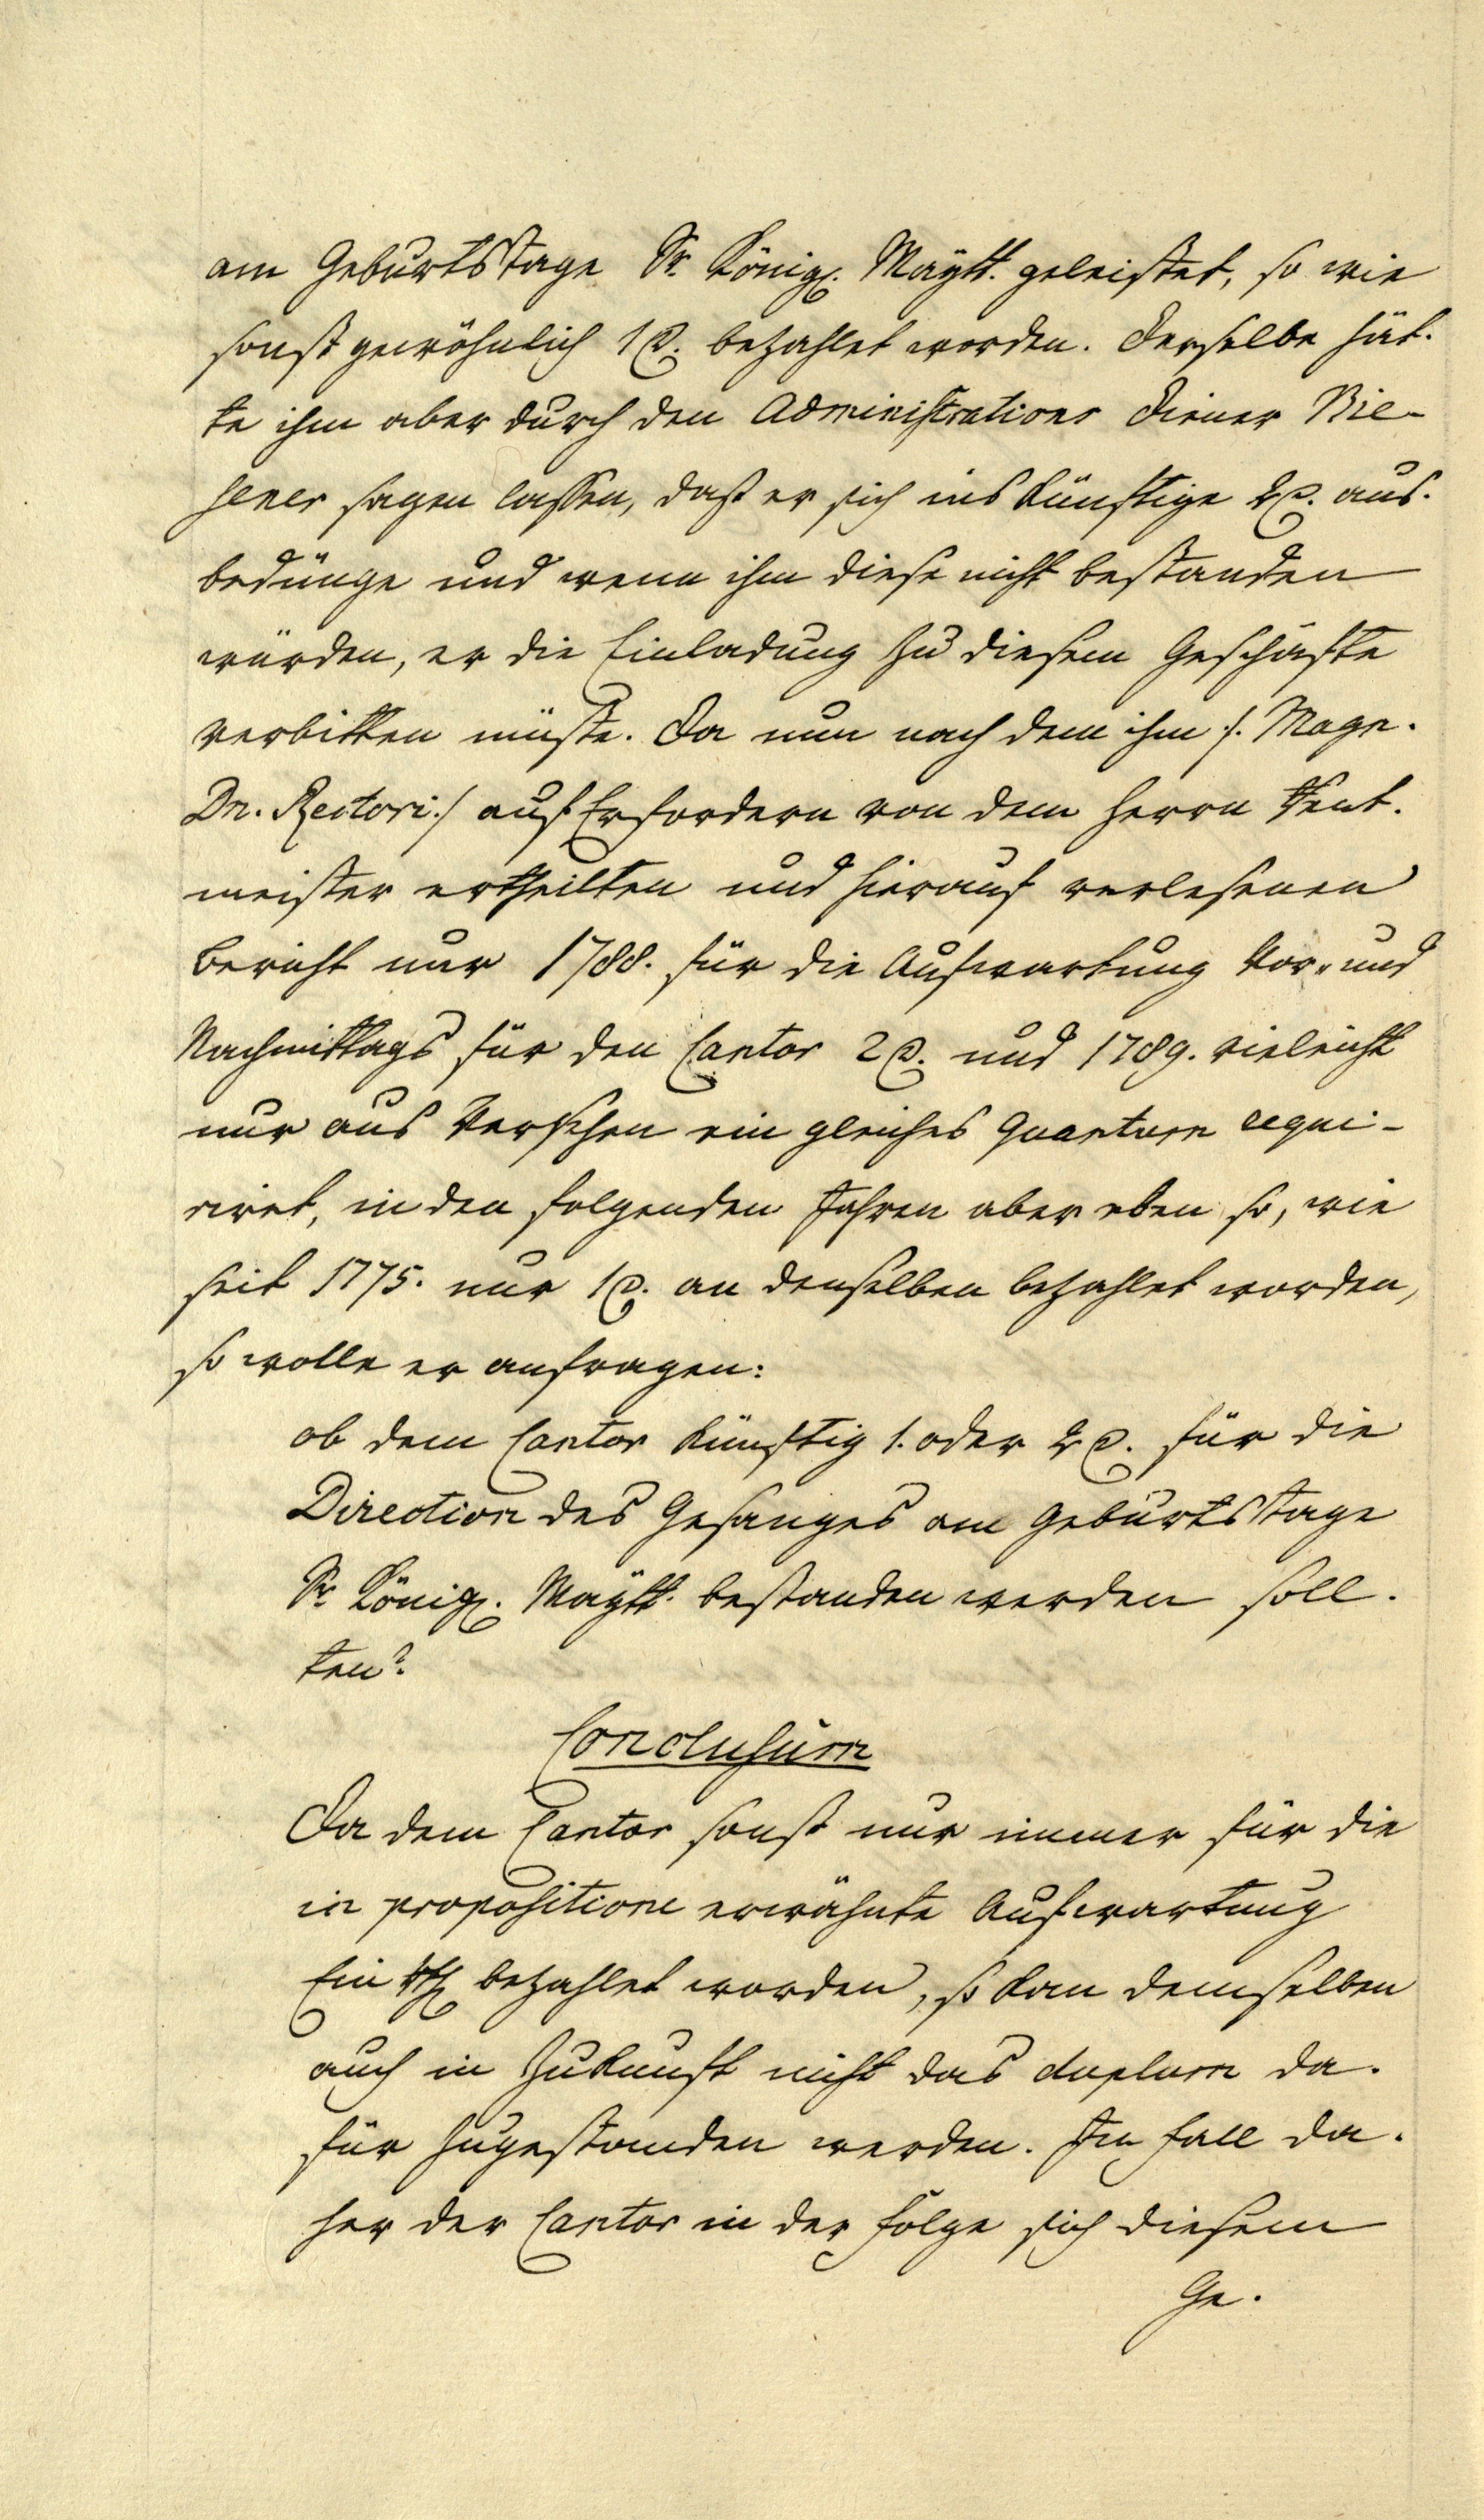am Geburtstage Sr Königl. Maÿtt. geleistet, so wie
sonst gewöhnlich 1 l. bezahlet worden. Derselbe hät¬
te ihm aber durch den Administrations Diener Bie¬
sener sagen lassen, daß er sich ins künftige 2 l. aus¬
bedünge und wenn ihm diese nicht bestanden
würden, er die Einladung zu diesem Geschäfte
verbitten müßte. Da nun nach dem ihm /. Magn.
Dn. Rectori ./ auf Erfordern von dem Herrn Rent¬
meister ertheilten und hierauf verlesenen
Bericht nur 1788. für die Aufwartung Vor- und
Nachmittags für den Cantor 2 l. und 1789. vieleicht
nur aus Versehen ein gleiches Quantum requi¬
riret, in den folgenden Jahren aber eben so, wie
seit 1775. nur 1. l. denselben bezahlet worden,
so wolle er anfragen:
ob dem Cantor künftig 1. oder 2 l. für die
Direction des Gesanges am Geburtstage
Sr Königl. Maÿtt. bestanden werden soll¬
ten?
Conclusum
Da dem Rantor sonst nur immer für die
in propositione erwähnte Aufwartung
Ein rth bezahlet worden, so kan demselben
auch in Zukunft nicht das duplum da¬
für zugestanden werden. Im Fall da¬
her der Cantor in der Folge sich diesem
Ge-